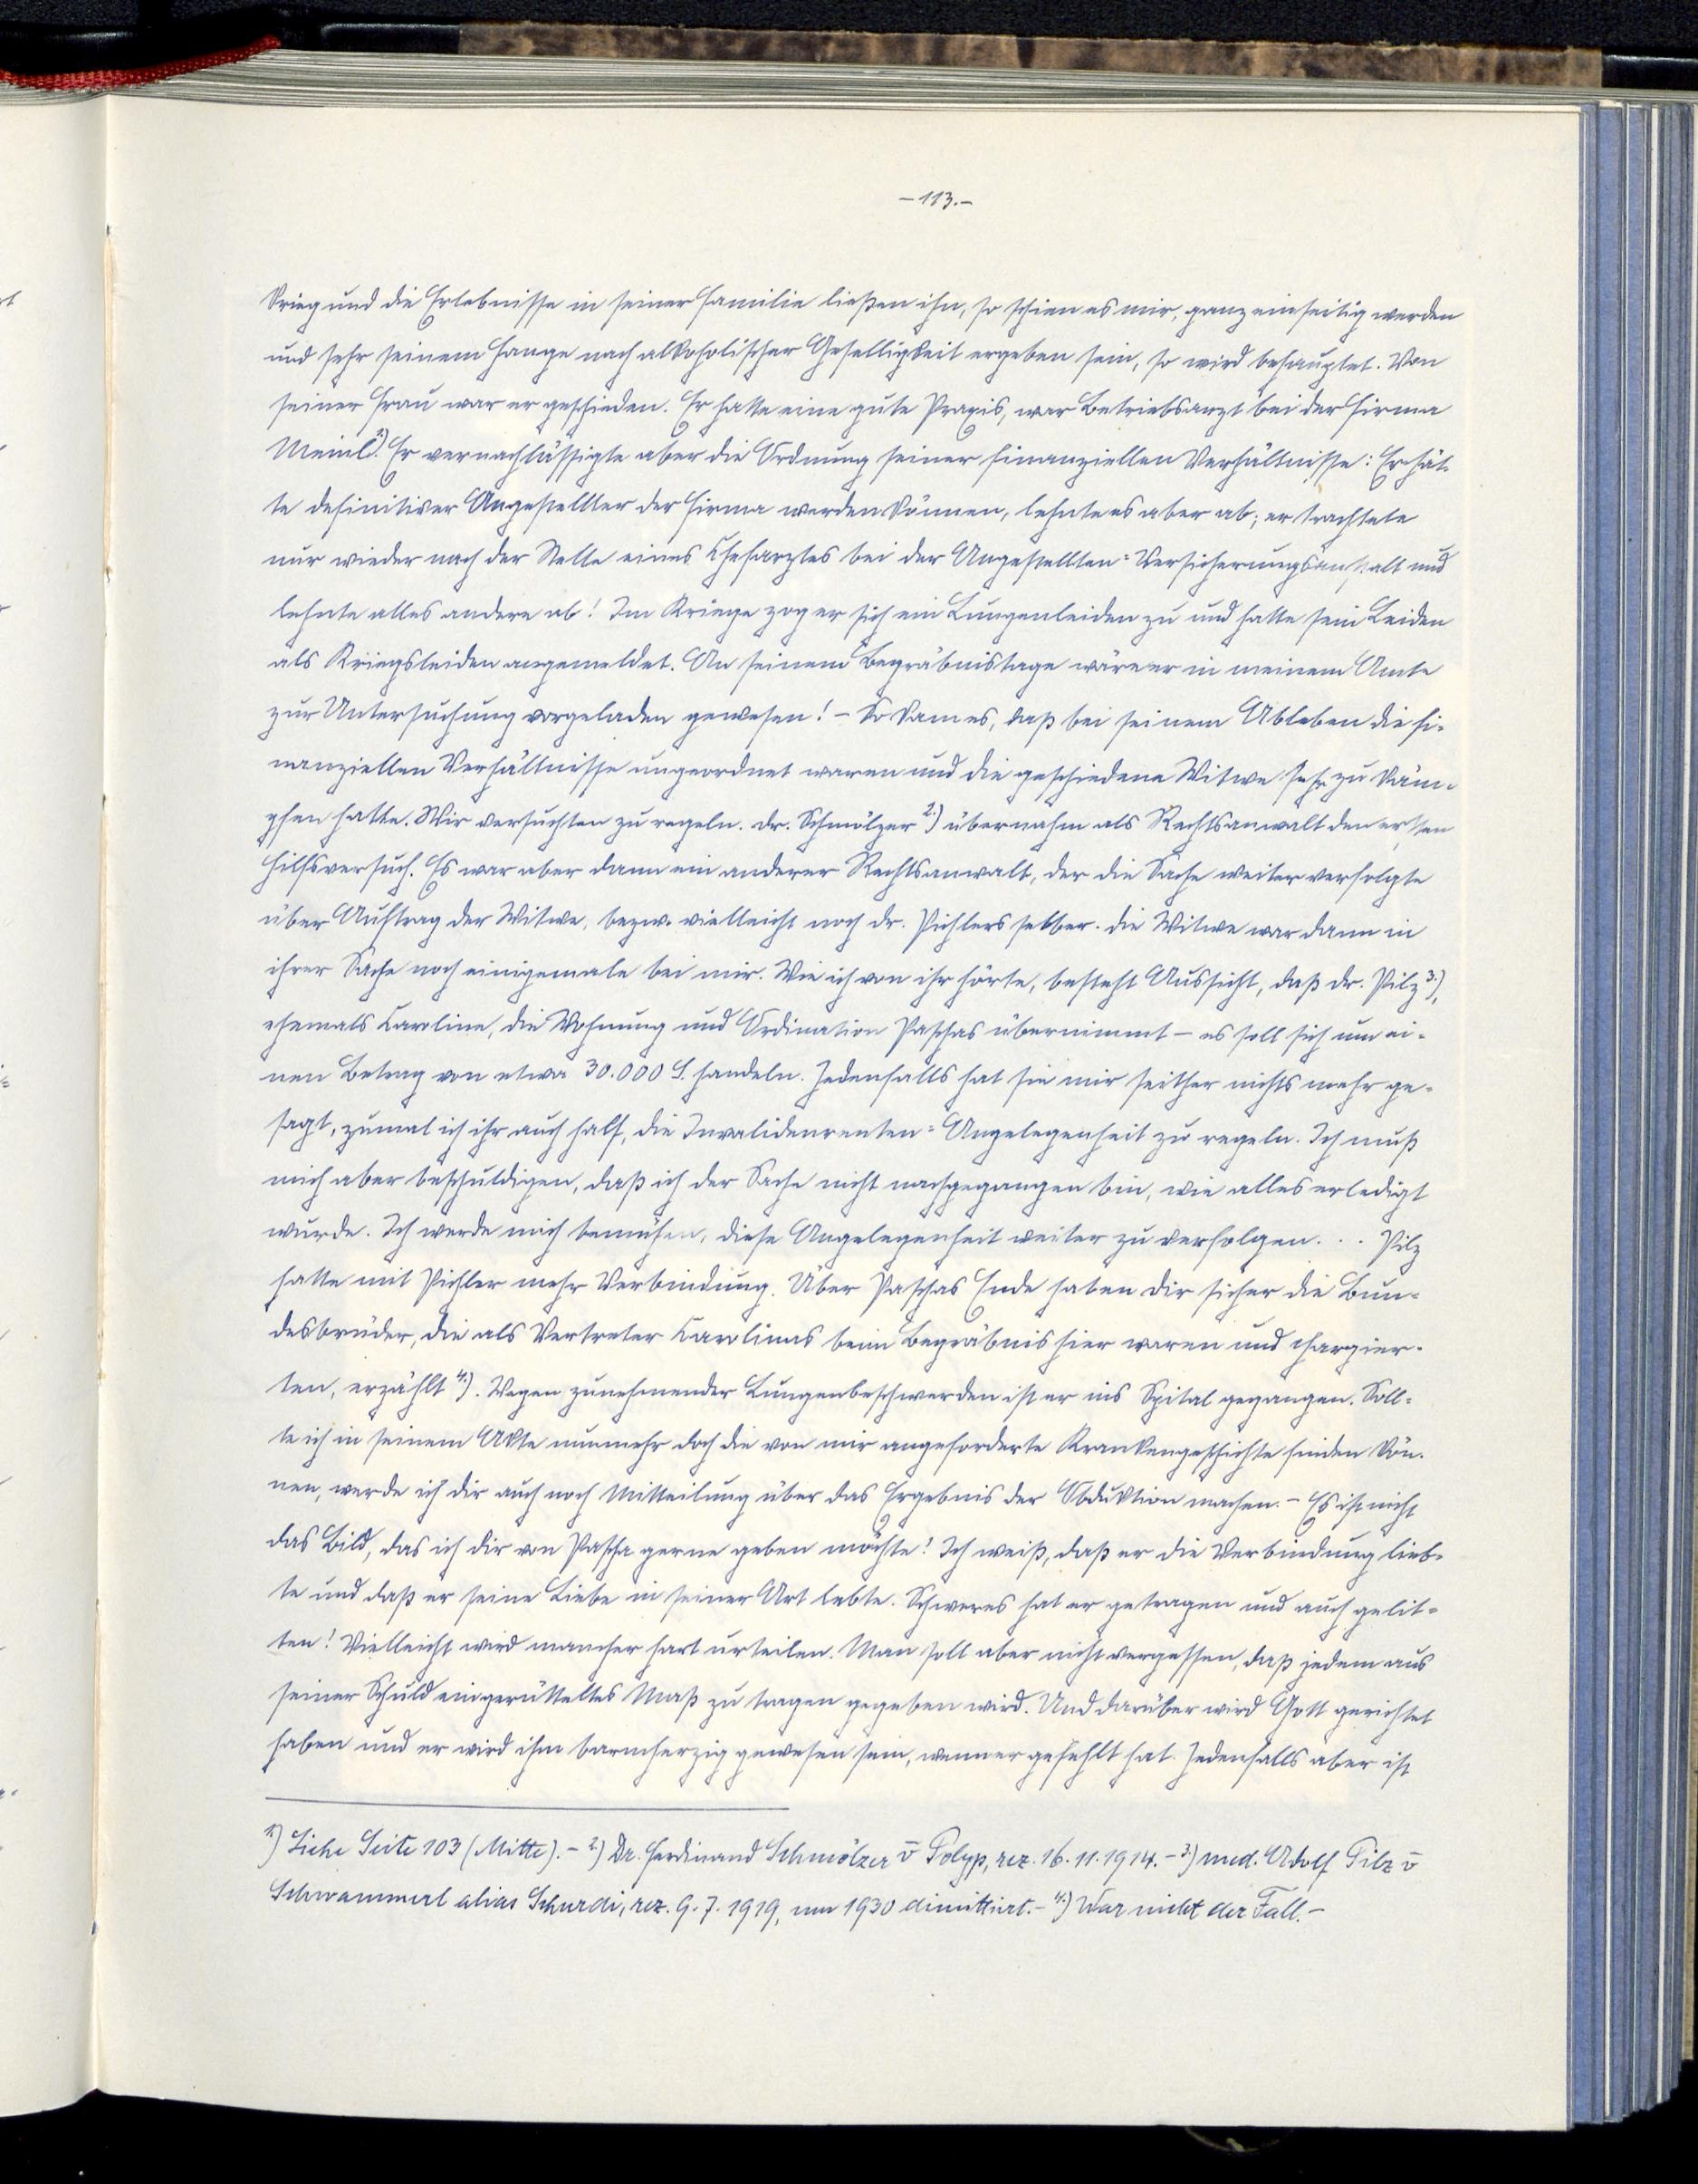113
Krieg und die Erlebnisse in seiner Familie liesen ihn, so schien es mir, ganz einseitig werden
und sehr seinem Hange nach alkoholischer Geselligkeit ergeben sein, so wird behauptet. Von
seiner Frau war er geschieden. Er hatte eine gute Praxis, war Betriebsarzt bei der Firma
Meinl. Er vernachlässigte aber die Ordnung seiner finanziellen Verhältnisse. Er hät-
te definitiver Angestellte der Firma werden können, lehnte es aber ab; er trachtete
nur wieder nach der Stelle eines Chefarztes bei der Angestellten- Versicherungsanstalt und
lehnte alles andere ab! Im Kriege zog er sich ein Lungenleiden zu und hatte sein Leiden
als Kriegsleiden angeneldet. An seinem Begräbnistage wäre er in meinem Amte
zur Untersuchung vorgeladen gewesen! So kam es, dass bei seinem Ableben die fi -
nanziellen Verhältnisse ungeordnet waren und die geschiedene Witwe sehr zu käm-
fen hatte. Wir versuchten zu regeln. Dr. Schmölzer 2) übernahm als Rechtsanwalt dem ersten
hilfsversuch. Es war aber dann ein anderer Rechtsanwalt, der die Sache weiterverfolgte,
über Auftrag der Witwe, bzw. vielleicht noch Dr. Pichlers selber. Die Witwe war dann in
ihrer Sache noch einigemale bei mir. Wie ich von ihr hörte, besteht Aussicht, das Dr. Pilz 3)
ehemals Caroline, die Wohnung und Ordination Paschas übernimmt- es soll sich um ei-
nen Beitrag von etwa 30. 000 S Handeln. Jedenfalls hat sie mir seither nichts mehr ge-
sagt, zumal ich ihr auch half, die Invalidenrenten- Angelegenheit zu regeln. Ich muss
mich aber beschuldigen, dass ich der Sache nicht nachgegungen bin, wie alles erledigt
wurde. Ich werde mich bemühen, diese Angelegenheit weiter zu verfolgen. Pilz
hatte mit Pichler mehr Verbindung. Über Paschas Ende haben dir sicher die Bun-
desbrüder, die als Vertreter Carolinas beim Begräbnis hier waren und chargier-
ten, erzählt 4).Wegen zunehmender Lungenbeschwerden ist er ins Spital gegangen. Soll-
te ich in seiner Akte nunmehr doch die von mir angeforderte Krankengeschichte finden kön-
nen, werde ich dir auch noch Mitteilung über das Ergebnis der Obduktion machen Es ist nicht
das Bild, das ich dir von Pascha gerne geben möchte! Ich weiß, daß er die Verbindung lieb-
te und dass er seine Liebe in seiner Art lebte. Schweres hat er getragen und auch gelit-
ten! Vielleicht wird mancher hart urteilen. Man soll aber nicht vergessen, dass jedem aus
seiner Schuld eingerütteltes Maß zu tragen gegeben wird. Und .darüber wird Gott gerichtet
haben und der wird ihm barmherzig gewesen sein, wenn er gefehlt hat. Jedenfalls aber ist.
1.) Siehe Seite 103 (Mitte).– 2) Dr. Ferdinand Schmölzer v/o Polyp rez. 16.11.1914.- 3) med. Adolf Pilz v/o
Schwammerl alias Schurdi, rez. 9. 7. 1919, um 1930 dimittiert. 4) War nicht der Fall.